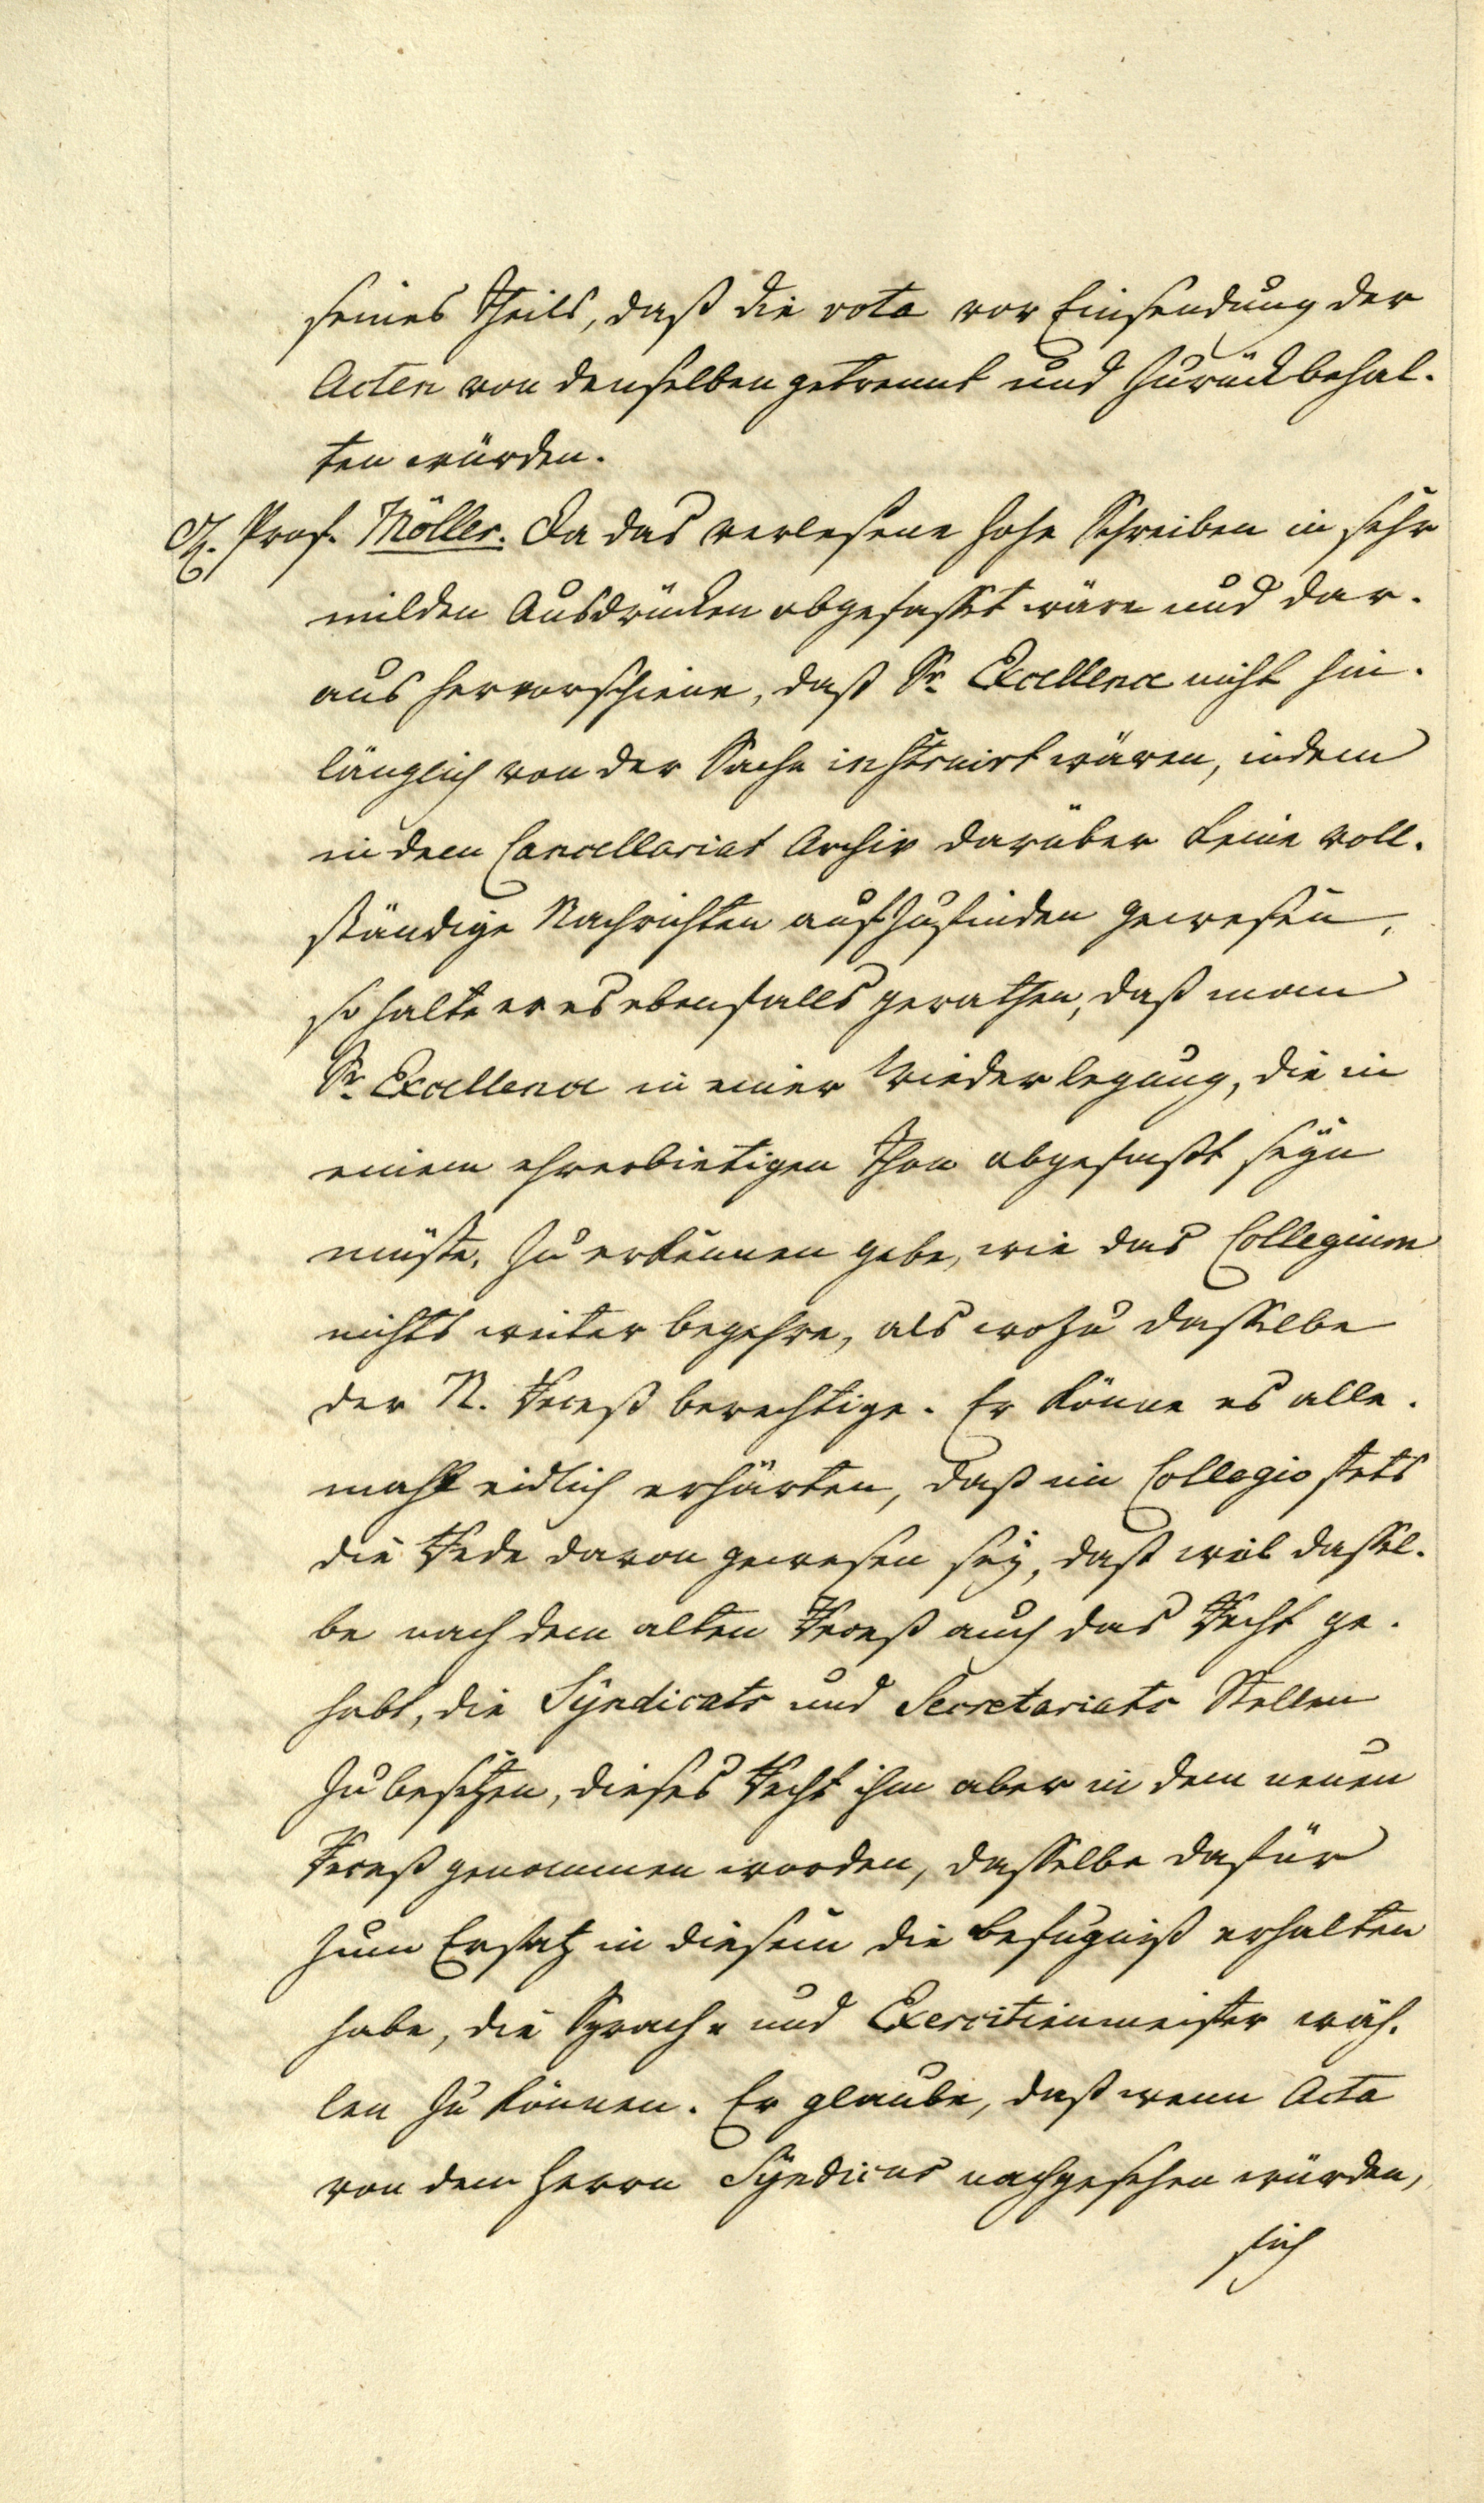seines Theils, daß die vota vor Einsendung der
Acten von denselben getrennt und zurückbehal¬
ten würden.
dh. Prof. Möller. Da das verlesene hohe Schreiben in sehr
milden Ausdrücken abgefasset wäre und dar¬
aus hervorschiene, daß Sr Excellence nicht hin¬
länglich von der Sache instruirt wären, indem
in dem Cancellariat Archiv darüber keine voll¬
ständige Nachrichten aufzufinden gewesen,
so halte er es ebenfalls gerathen, daß man
Sr Excellence in einer Wiederlegung, die in
einem ehrerbietigen Thon abgefaßt seÿn
müßte, zu erkennen gebe, wie das Collegium
nichts weiter begehre, als wozu dasselbe
der N. Receß berechtige. Er könne es alle¬
mahl eidlich erhärten, daß im Collegio stets
die Rede davon gewesen seÿ, daß weil dassel¬
be nach dem alten Receß auch das Recht ge¬
habt, die Sÿndicats und Secretariats Stellen
zu besetzen, dieses Recht ihm aber in dem neuen
Receß genommen worden, dasselbe dafür
zum Ersatz in diesem die Befugniß erhalten
habe, die Sprach- und Exercitienmeister wäh¬
len zu können. Er glaube, daß wenn Acta
von dem Herrn Sÿndicus nahgesehen würden,
sich